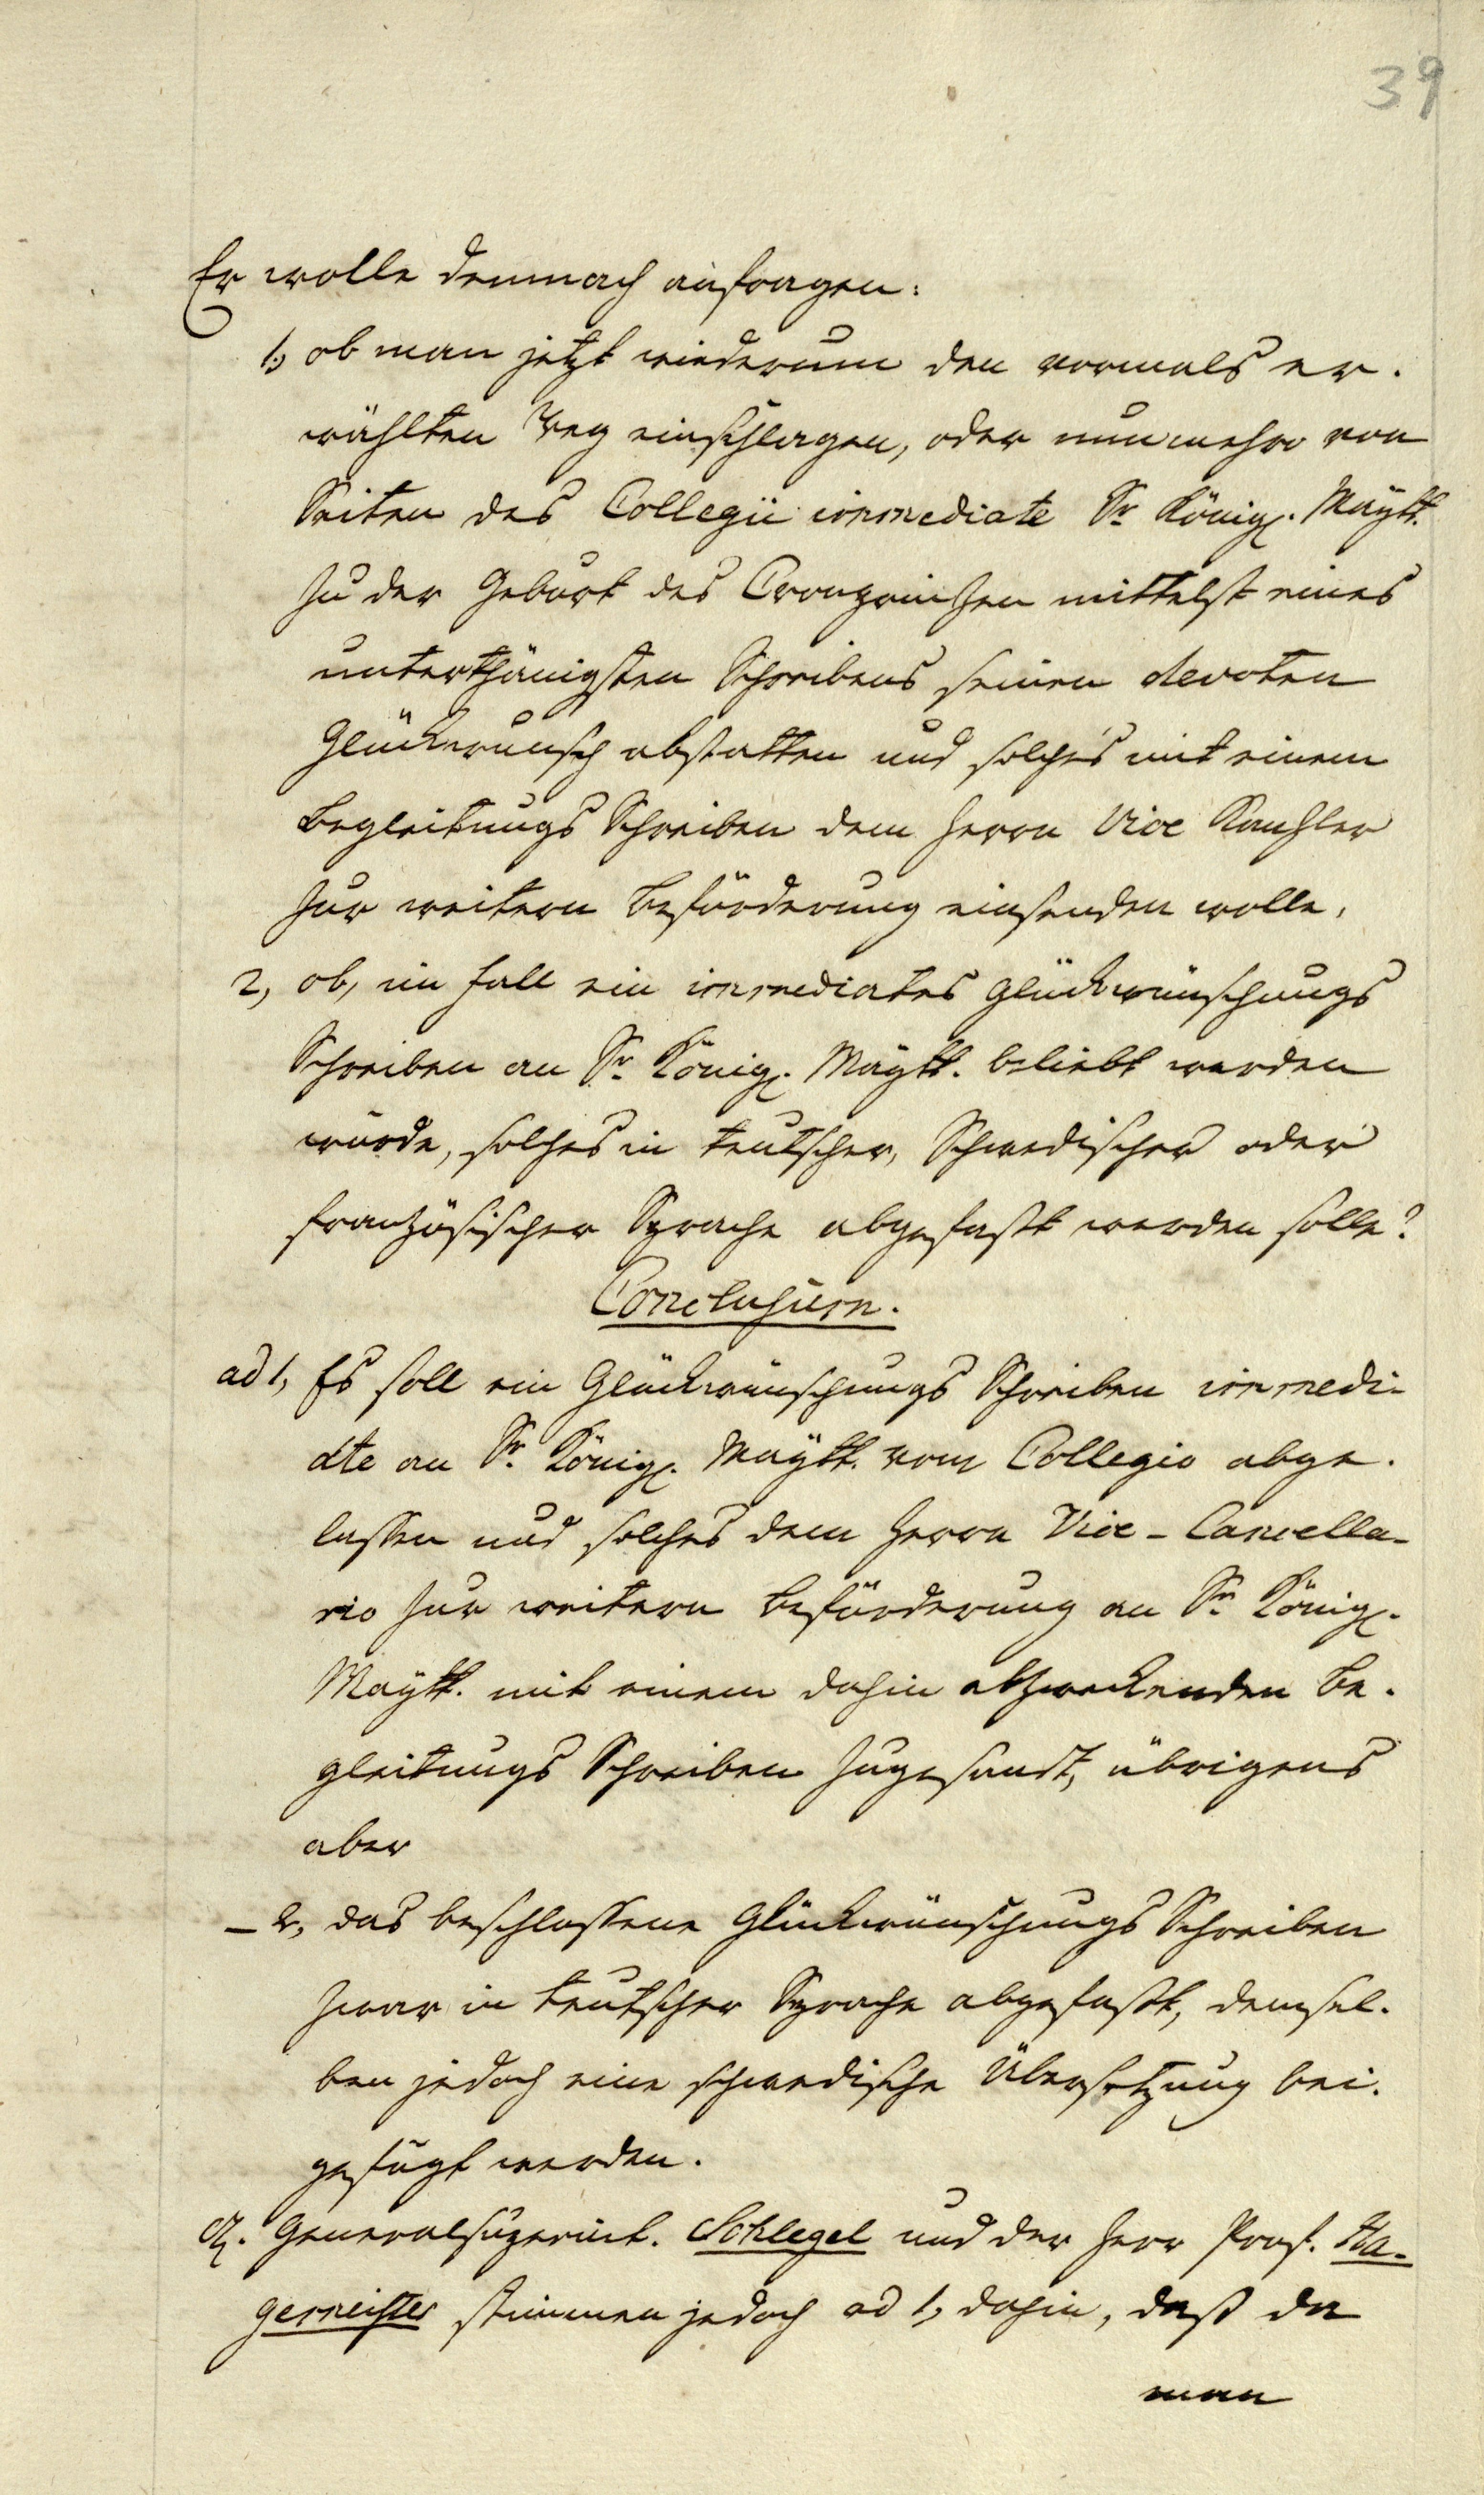Er wolle demnach anfragen:
1., ob man jetzt wiederum den vormals er¬
wählten Weg einschlagen, oder nunmehro von
Seiten des Collegii immediate Sr Königl. Maÿtt.
zu der Geburt des Cronprinzen mittelst eines
unterthänigsten Schreibens seinen devoten
Glückwunsch abstatten und solches mit einem
Begleitungs Schreiben dem Herrn Vice Kanzler
zur weitern Beförderung einsenden wolle,
2, ob, im Fall ein immediates Glückwünschungs
Schreiben an Sr Königl. Maÿtt. beliebt werden
würde, solches in teutscher, Schwedischer der
französischer Sprache abgefaßt werden solle?
Conclusum.
ad 1, Es soll ein Glückwünschungs Schreiben immedi¬
ate an Sr. Königl. Maÿtt. vom Collegio abge¬
lassen und solches dem Herrn Vice-Cancella¬
rio zur weitern Beförderung an Sr Königl.
Maÿtt. mit einem dahin abzweckenden Be¬
gleitungs Schreiben zugesandt, übrigens
aber
2., das beschlossene Glückwünschungs Schreiben
zwar in teutscher Sprache abgefaßt, demsel¬
ben jedoch eine schwedische Übersetzung bei¬
gefügt werden.
dh. Generalsuperint. Schlegel und der Herr Prof. Ha¬
gemeister stimmen jedoch ad 1., dahin, daß da
man